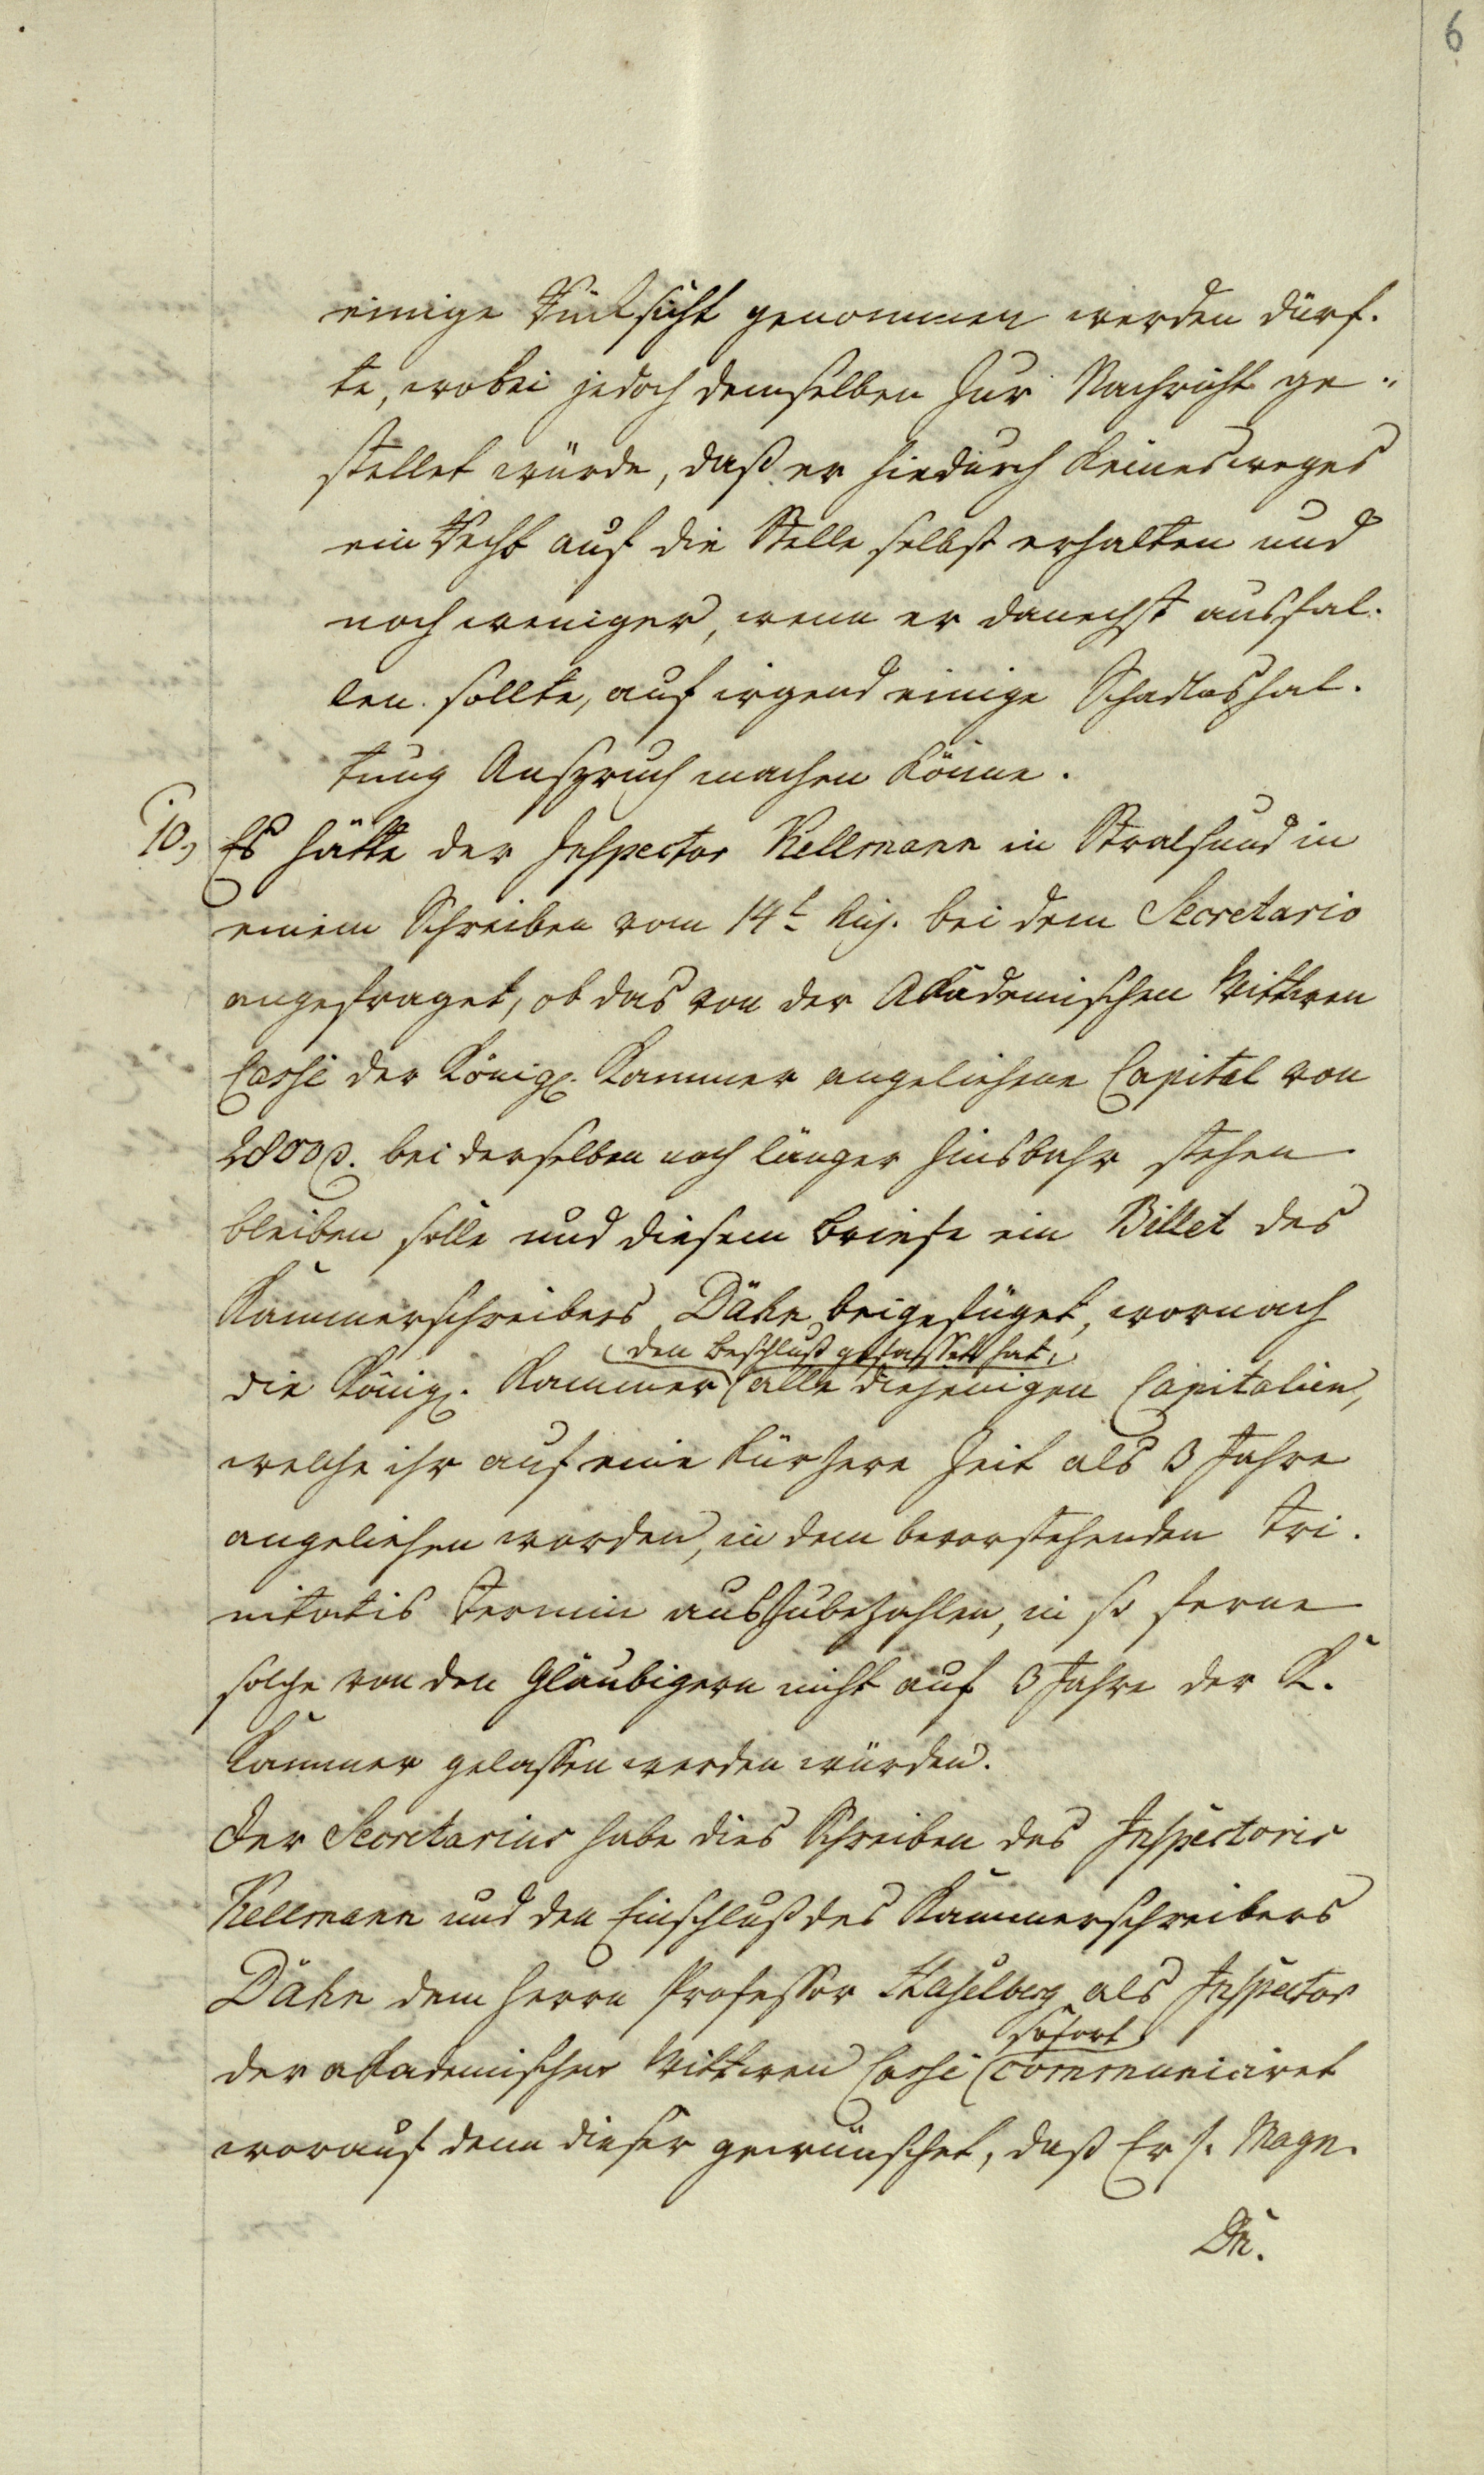einige Rücksicht genommen werden dürf¬
te, wobei jedoch demselben zur Nachricht ge¬
stellet würde, daß er hiedurch keinesweges
ein Recht auf die Stelle selbst erhalten und
noch weniger, wenn er danechst ausfal¬
len sollte, auf irgend einige Schadenshaf¬
tung Anspruch machen könne.
10., Es hätte der Inspector Kellmann in Stralsund in
einem Schreiben vom 14t. huj. bei dem Secretario
angefragt, ob das von der Akademischen Wittwen
Casse der Königl. Kammer angeliehene Capital von
2800 rtl. bei derselben noch länger zinsbahr stehen
bleiben solle und diesem Briefe ein Billet des
Kammerschreibers Dähn beigefügt, wornach
den Beschluß gefasset hat,
die Königl. kammer alle diejenigen Capitalien,
welche ihr auf eine kürzere Zeit als 3 Jahre
angeliehen worden, in dem bevorstehenden Tri¬
nitatis Termin auszubezahlen, in so fern
solche von den Gläubigern nicht auf 3 Jahre der K.
Kammer gelassen werden würden.
Der Secretarius habe dies Schreiben des Inspectoris
Kellmann und den Einschluß des Kammerschreibers
Dähn dem Herrn Professor Haselberg als Inspector
sofort
der akademischen Wittwen Casse communiciret
worauf denn dieser gewünschet, daß Er /: Magn.
Dn.